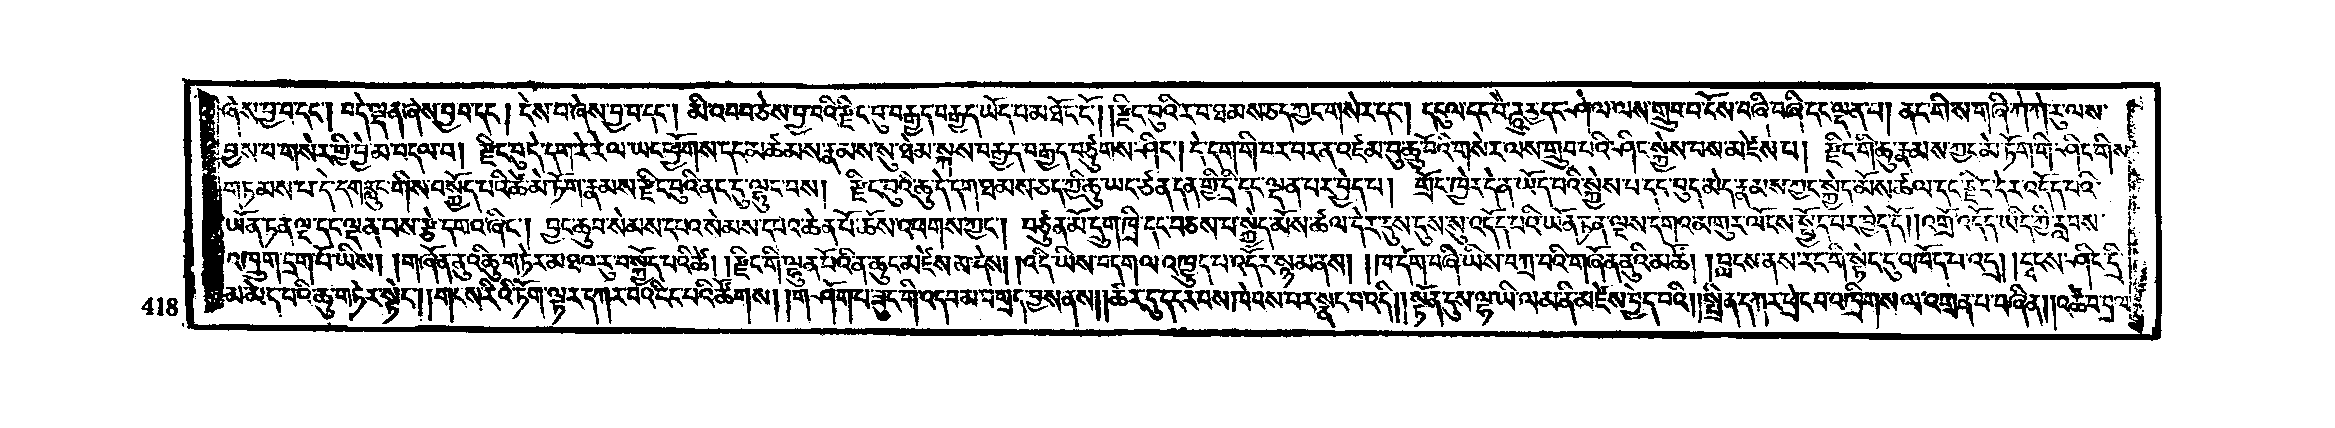ཞེས་བྱ་བ་དང་། བདེ་ལྡན་ཞེས་བྱ་བ་དང་། ངེས་བ་ཞེས་བྱ་བ་དང་། མི་འབབ་ཅེས་བྱ་བའི་རྫིང་བུ་བརྒྱད་བརྒྱད་ཡོད་པ་མཐོང་ངོ། །རྫིང་བུའི་ར་བ་ཐམས་ཅད་ཀྱང་གསེར་དང་། དངུལ་དང་བཻ་ཌཱུརྱ་དང་ཤེལ་ལས་གྲུབ་པ་ངོས་བཞི་བཞི་དང་ལྡན་པ། ནང་གི་ས་གཞི་ཀེ་ཀེ་རུ་ལས་
བྱས་པ་གསེར་གྱི་བྱེ་མ་བདལ་བ། རྫིང་བུ་དེ་དག་རེ་རེ་ལ་ཡང་ཕྱོགས་དང་མཚམས་རྣམས་སུ་ཐེམ་སྐས་བརྒྱད་བརྒྱད་བཙུགས་ཤིང་། དེ་དག་གི་བར་བར་ན་འཛམ་བུ་ཆུ་བོའི་གསེར་ལས་གྲུབ་པའི་ཤིང་སྐྱེས་པས་མཛེས་པ། རྫིང་གི་ཆུ་རྣམས་ཀྱང་མེ་ཏོག་གི་ཤིང་གིས་
གཏམས་པ་དེ་དང་?་རླུང་གིས་བསྐྱོད་པའི་ཚེ་མེ་ཏོག་རྣམས་རྫིང་བུའི་ནང་དུ་ལྷུང་བས། རྫིང་བུའི་ཆུ་དེ་དག་ཐམས་ཅད་ཀྱི་ཆུ་ཡང་ཙན་དན་གྱི་དྲི་དང་ལྡན་པར་བྱེད་པ། གྲོང་ཁྱེར་དེ་ན་ཡོད་པའི་སྐྱེས་པ་དང་བུད་མེད་རྣམས་ཀྱང་སྐྱེད་མོས་ཚལ་དང་རྫིང་དེར་འདོད་པའི་
ཡོན་ཏན་ལྡན་དང་ལྡན་པས་རྩེ་དགའ་ཞིང་། བྱང་ཆུབ་སེམས་དཔའ་སེམས་དཔའ་ཆེན་པོ་ཆོས་འཕགས་ཀྱང་། བཙུན་མོ་དྲུག་ཁྲི་དང་བཅས་པ་སྐྱེད་མོས་ཚལ་དེར་དུས་དུས་སུ་འདོད་པའི་ཡོན་ཏན་ལྔས་དགའ་མགུར་ལོངས་སྤྱོད་པར་བྱེད་དོ། །འགྲོ་འདོད་ཡིད་ཀྱི་རླབས་
འཁྲུག་དྲག་པོ་ཡིས། །གཞོན་ནུའི་ཆུ་གཏེར་མཐའ་རུ་བ་སྐྱོད་པའི་ཚེ། །རྫིང་གི་ལྷུན་པོའི་ན་ཆུང་མཛེས་མ་དེས། །འདི་ཡིས་བདག་ལ་འཁྱུད་པ་འདོར་སྙམ་ནས། །ཁ་དོག་བཞི་ཡིས་བཀྲ་བའི་གཞོན་ནུའི་མཚོ། །བླངས་ནས་རང་གི་སྟེང་དུ་འཁོད་པ་འདྲ། །དྭངས་ཤིང་དྲི་
མ་མེད་པའི་ཆུ་གཏེར་སྟེང་། །གངས་རིའི་ཏོག་ལྟར་དཀར་པའི་ངང་པའི་ཚོགས། །གཤོག་པ་ཟུང་གི་འདབ་མ་བགྲད་བྱས་ནས། །ཚར་དུ་དངར་བས་ཁེབས་པར་སྣང་བ་འདི། །སྟོན་དུས་ལྷ་ཡི་ལམ་ནི་མཛེས་བྱེད་པའི། །སྤྲིན་དཀར་ཕྲེང་བ་འཁྲིགས་ལ་འགྲན་པ་བཞིན། །འཚེ་བ་བྲལ་